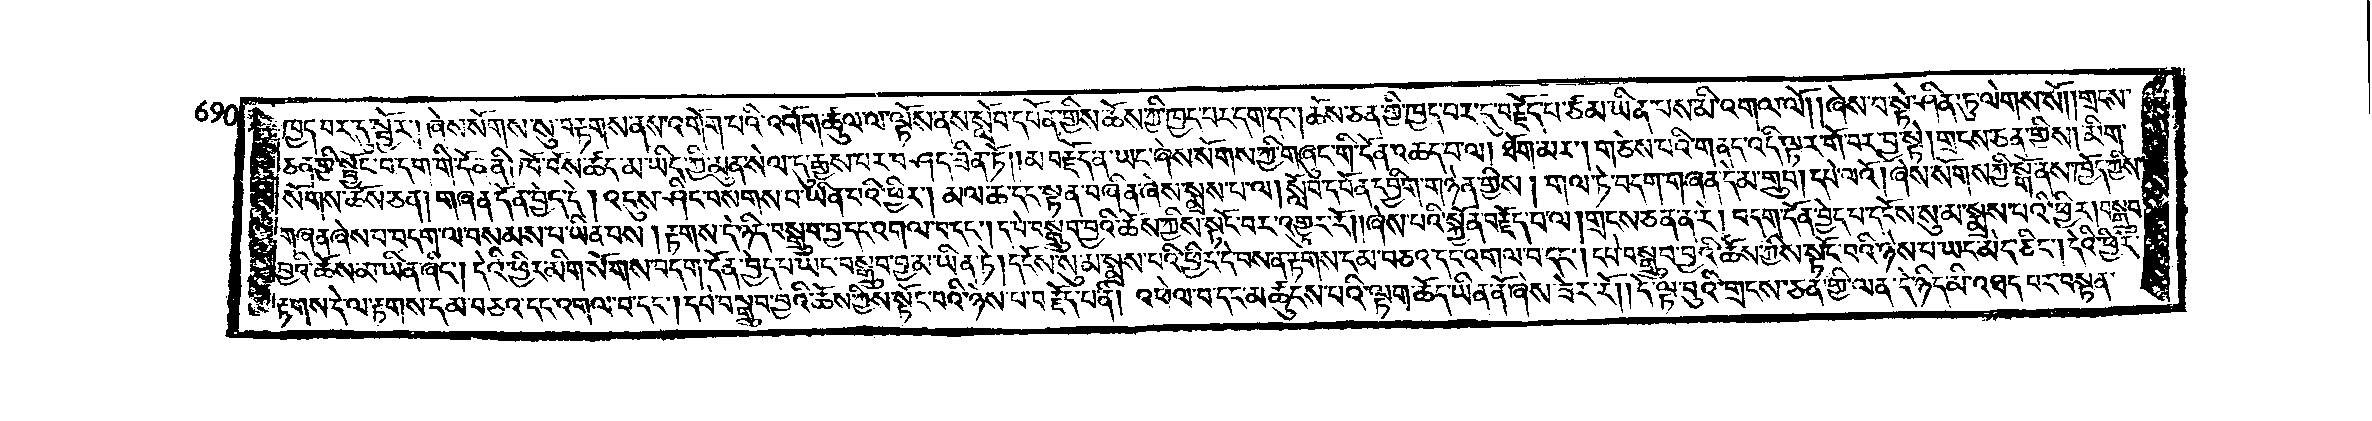ཁྱད་པར་དུ་སྦྱོར། ཞེས་སོགས་སུ་བརྟགས་ནས་འགོག་པའི་འགོག་ཚུལ་ལྟོས་ནས་སློབ་དཔོན་གྱིས་ཆོས་ཀྱི་ཁྱད་པར་དག་དང་། ཆོས་ཅན་གྱི་ཁྱད་པར་དུ་བརྗོད་པ་ཙམ་ཡིན་པས་མི་འགལ་ལོ། །ཞེས་པ་སྟེ་ཤིན་ཏུ་ལེགས་སོ། །གྲངས་
ཅན་གྱི་སྦྱོར་བ་དག་གི་དོན་ནི། ཁོ་བོས་ཚད་མ་ཡིད་ཀྱི་མུན་སེལ་དུ་རྒྱས་པར་བཤད་ཟིན་ཏོ། །མ་བརྗོད་ན་ཡང་ཞེས་སོགས་ཀྱི་གཞུང་གི་དོན་འཆད་པ་ལ། ཐོག་མར། གཅེས་པའི་གནད་འདི་ལྟར་གོ་བར་བྱ་སྟེ། གྲངས་ཅན་གྱིས། མིག་
སོགས་ཆོས་ཅན། གཞན་དོན་བྱེད་དེ། འདུས་ཤིང་བསགས་པ་ཡིན་པའི་ཕྱིར། མལ་ཆ་དང་སྟན་བཞིན་ཞེས་སྨྲས་པ་ལ། སློབ་དཔོན་དབྱིག་གཉེན་གྱིས། གལ་ཏེ་བདག་གཞན་དེ་མ་གྲུབ། དཔེ་ལའོ། ཞེས་སོགས་ཀྱི་སྒོ་ནས་ཁྱོད་ཀྱིས་
གཞན་ཞེས་པ་བདག་ལ་བསམས་པ་ཡིན་པས། རྟགས་དེ་ཉིད་བསྒྲུབ་བྱ་དང་འགལ་བ་དང་། དཔེ་བསྒྲུབ་བྱའི་ཆོས་ཀྱིས་སྟོང་བར་འགྱུར་རོ། །ཞེས་པའི་སྐྱོན་བརྗོད་པ་ལ། གྲངས་ཅན་ན་རེ། བདག་དོན་བྱེད་པ་དངོས་སུ་མ་སྨྲས་པའི་ཕྱིར། བསྒྲུབ་
བྱའི་ཆོས་མ་ཡིན་ཞིང་། དེའི་ཕྱིར་མིག་སོགས་བདག་དོན་བྱེད་པ་ཡང་བསྒྲུབ་བྱ་མ་ཡིན་ཏེ། དངོས་སུ་མ་སྨྲས་པའི་ཕྱིར་དེ་བས་ན་རྟགས་དམ་བཅའ་དང་འགལ་བ་དང་། དཔེ་བསྒྲུབ་བྱའི་ཆོས་ཀྱིས་སྟོང་བའི་ཉེས་པ་ཡང་མེད་ཅིང་། དེའི་ཕྱིར་
རྟགས་དེ་ལ་རྟགས་དམ་བཅའ་དང་འགལ་བ་དང་། དཔེ་བསྒྲུབ་བྱའི་ཆོས་ཀྱིས་སྟོང་བའི་ཉེས་པ་བརྗོད་པ་ནི། འཕེལ་བ་དང་མཚུངས་པའི་ལྟག་ཆོད་ཡིན་ནོ་ཞེས་ཟེར་རོ། །དེ་ལྟ་བུའི་གྲངས་ཅན་གྱི་ལན་དེ་ཉིད་མི་འཐད་པར་བསྟན་